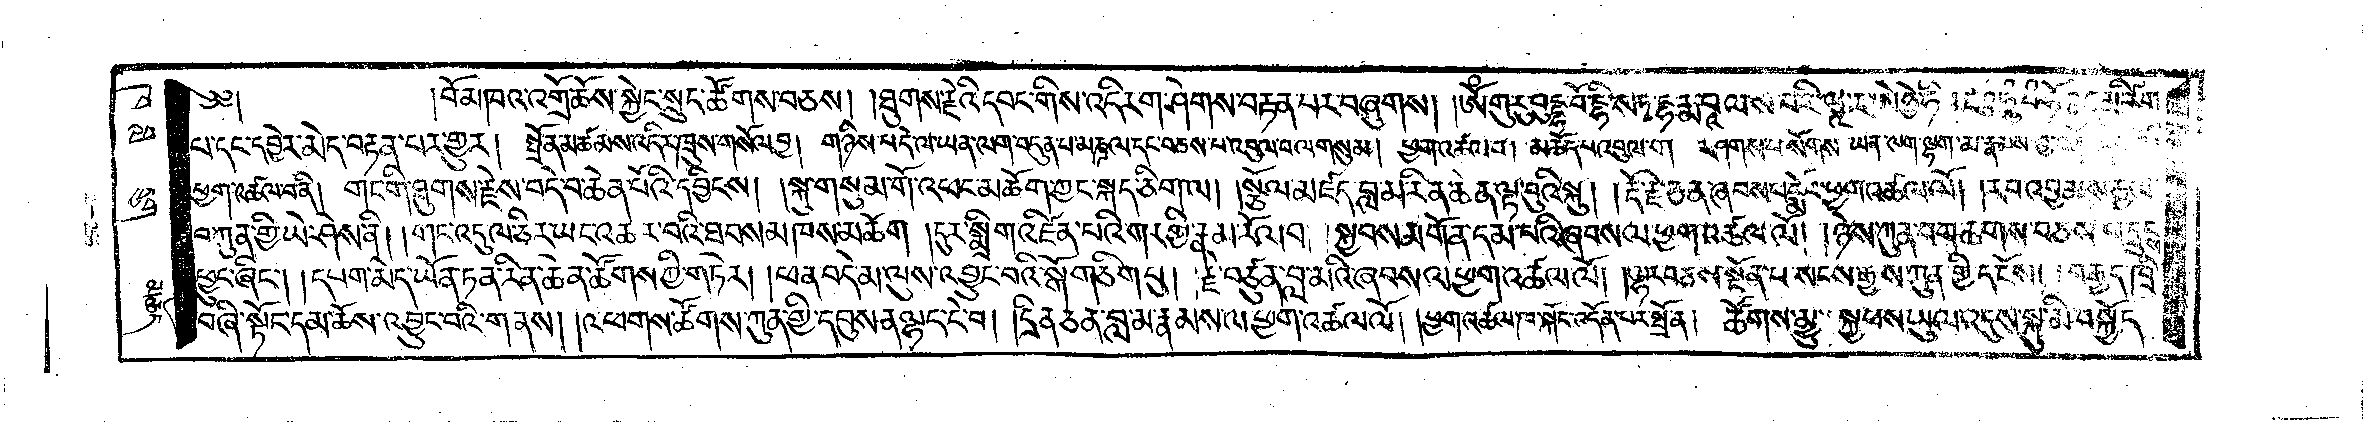༄༅། །བོ་མཁའ་འགྲོ་ཆོས་སྐྱོང་སྲུང་ཚོགས་བཅས། །ཐུགས་རྗེའི་དབང་གིས་འདིར་གཤེགས་བརྟན་པར་བཞུགས། །ཨོཾ་གུ་རུ་བུརྡྷ་བེ་བྷིས་ཏ་དྷ་རྨ་བཱ་ལས་བ་རི་ཝཱར་ཨེ་ཧེ་ཧི། ཛཿཧཱུཾ་བཾ་ཧོཿདམ་ཚིག་
པ་དང་དབྱེར་མེད་བརྟན་པར་གྱུར། སྤྲོན་མཚམས་འདིར་ཁྲུས་གསོལ་བྱ། གཉིས་བདེ་ལ་ཡན་ལག་བདུན་པ་མཎྜལ་དང་བཅས་པ་འབུལ་བ་ལ་གསུམ། ཕྱག་འཚལ་བ། མཆོད་པ་འབུལ་བ། ༈ ཤགས་པ་སོགས་ཡན་ལག་ལྷག་མ་རྣམས་བྱ་བའོ། དང་བོ་
ཕྱག་འཚལ་བ་ནི། གང་གི་ཐུགས་རྗེས་བདེ་བ་ཆེན་པོའི་དབྱིངས། །སྐུ་གསུམ་གོ་འཕང་མཆོག་ཀྱང་སྐད་ཅིག་ལ། །སྩོལ་མཛད་བླ་མ་རིན་ཆེན་ལྟ་བུའི་སྐུ། །རྡོ་རྗེ་ཅན་ཞབས་པདམོར་ཕྱག་འཚལ་ལོ། །རབ་འབྱམས་རྒྱལ་
བ་ཀུན་གྱི་ཡེ་ཤེས་ནི། །གང་འདུལ་ཅིར་ཡང་འཆར་བའི་ཐབས་མཁས་མཆོག །དུར་སྨྲིག་འཛིན་པའི་གར་གྱི་རྜམ་རོལ་བ། །སྐྱབས་མགོན་དམ་པའི་ཞབས་ལ་ཕྱག་འཚལ་ལོ། །ཉེས་ཀུན་བག་ཆགས་བཅས་པ་དྲུངས་
ཕྱུང་ཞིང་། །དཔག་མེད་ཡོན་ཏན་རིན་ཆེན་ཚོགས་ཀྱི་གཏེར། །ཕན་བདེ་མ་ལུས་འབྱུང་བའི་སྒོ་གཅིག་པུ། །རྗེ་བཙུན་བླ་མའི་ཞབས་ལ་ཕྱག་འཚལ་ལོ། །ལྟར་བཅས་སྔོན་པ་སངས་རྒྱས་ཀུན་གྱི་དངོས། །བརྒྱད་ཁྲི་
བཞི་སྟོང་དམ་ཆོས་འབྱུང་བའི་གནས། །འཕགས་ཚོགས་ཀུན་གྱི་དབུས་ན་ལྷང་དེ་བ། །དྲིན་ཅན་བླ་མ་རྣམས་ལ་ཕྱག་འཚལ་ལོ། །ཕྱག་འཚལ་ཁ་སྐོང་འདོན་པར་སྲོན། ཚོགས་མྱུ་སྐྱབས་ཡུལ་འདུས་སྐུ་མི་བསྐྱོད་